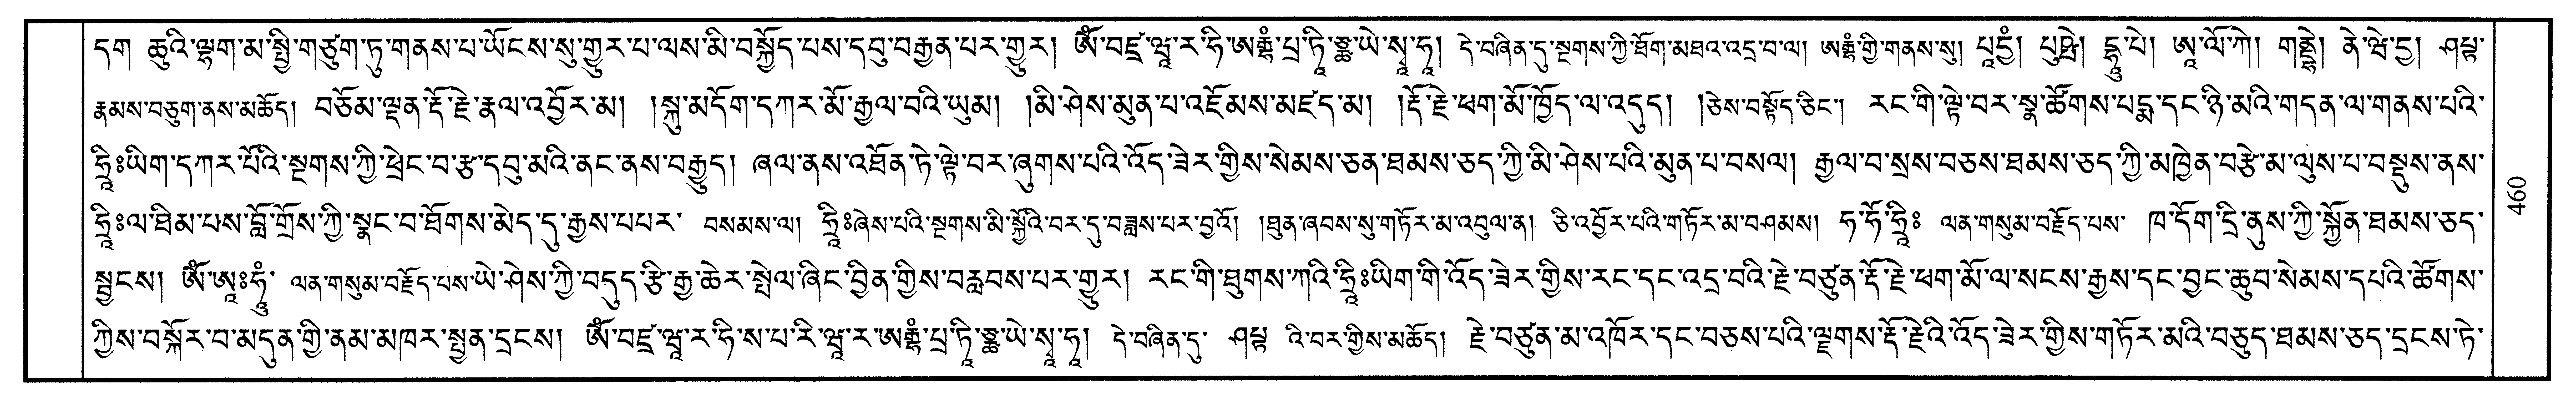དག་ཆུའི་ལྷག་མ་སྤྱི་གཙུག་ཏུ་གནས་པ་ཡོངས་སུ་གྱུར་པ་ལས་མི་བསྐྱོད་པས་དབུ་བརྒྱན་པར་གྱུར། ཨོཾ་བཛྲ་ཝཱ་ར་ཧི་ཨརྒྷཾ་པྲ་ཏཱི་ཙྪ་ཡེ་སྭཱ་ཧཱ། དེ་བཞིན་དུ་སྔགས་ཀྱི་ཐོག་མཐའ་འདྲ་བ་ལ། ཨརྒྷཾ་གྱི་གནས་སུ། པཱདྱཾ། པུཥྤེ། དྷཱུ་པེ། ཨཱ་ལོ་ཀེ། གནྡྷེ། ནེ་ཝེ་དྱ། ཤཔྟ་
རྣམས་བཅུག་ནས་མཆོད། བཅོམ་ལྡན་རྡོ་རྗེ་རྣལ་འབྱོར་མ། །སྐུ་མདོག་དཀར་མོ་རྒྱལ་བའི་ཡུམ། །མི་ཤེས་མུན་པ་འཇོམས་མཛད་མ། །རྡོ་རྗེ་ཕག་མོ་ཁྱོད་ལ་འདུད། །ཅེས་བསྟོད་ཅིང་། རང་གི་ལྟེ་བར་སྣ་ཚོགས་པདམ་དང་ཉི་མའི་གདན་ལ་གནས་པའི་
ཧྲཱིཿ ཡིག་དཀར་པོའི་སྔགས་ཀྱི་ཕྲེང་བ་རྩ་དབུ་མའི་ནང་ནས་བརྒྱུད། ཞལ་ནས་འཐོན་ཏེ་ལྟེ་བར་ཞུགས་པའི་འོད་ཟེར་གྱིས་སེམས་ཅན་ཐམས་ཅད་ཀྱི་མི་ཤེས་པའི་མུན་པ་བསལ། རྒྱལ་བ་སྲས་བཅས་ཐམས་ཅད་ཀྱི་མཁྱེན་བརྩེ་མ་ལུས་པ་བསྡུས་ནས་
ཧྲཱིཿ ལ་ཐིམ་པས་བློ་གྲོས་ཀྱི་སྣང་བ་ཐོགས་མེད་དུ་རྒྱས་པ་པར་བསམས་ལ། ཧྲཱིཿ ཞེས་པའི་སྔགས་མི་སྐྱོའི་བར་དུ་བཟླས་པར་བྱའོ། །ཐུན་ཞབས་སུ་གཏོར་མ་འབུལ་ན། ཅི་འབྱོར་པའི་གཏོར་མ་བཤམས། ཧ་ཧོ་ཧྲཱིཿ ལན་གསུམ་བརྗོད་པས། ཁ་དོག་དྲི་ནུས་ཀྱི་སྐྱོན་ཐམས་ཅད་
སྦྱངས། ཨོཾ་ཨཱཿ ཧཱུཾ་ལན་གསུམ་བརྗོད་པས་ཡེ་ཤེས་ཀྱི་བདུད་རྩི་རྒྱ་ཆེར་སྤེལ་ཞིང་བྱིན་གྱིས་བརླབས་པར་གྱུར། རང་གི་ཐུགས་ཀའི་ཧྲཱིཿ ཡིག་གི་འོད་ཟེར་གྱིས་རང་དང་འདྲ་བའི་རྗེ་བཙུན་རྡོ་རྗེ་ཕག་མོ་ལ་སངས་རྒྱས་དང་བྱང་ཆུབ་སེམས་དཔའི་ཚོགས་
ཀྱིས་བསྐོར་བ་མདུན་གྱི་ནམ་མཁར་སྤྱན་དྲངས། ཨོཾ་བཛྲ་ཝཱ་ར་ཧི་ས་པ་རི་ཝཱ་ར་ཨརྒྷཾ་པྲ་ཏཱི་ཙྪ་ཡེ་སྭཱ་ཧཱ། དེ་བཞིན་དུ་ཤཔྟའི་བར་གྱིས་མཆོད། རྗེ་བཙུན་མ་འཁོར་དང་བཅས་པའི་ལྗགས་རྡོ་རྗེའི་འོད་ཟེར་གྱིས་གཏོར་མའི་བཅུད་ཐམས་ཅད་དྲངས་ཏེ་